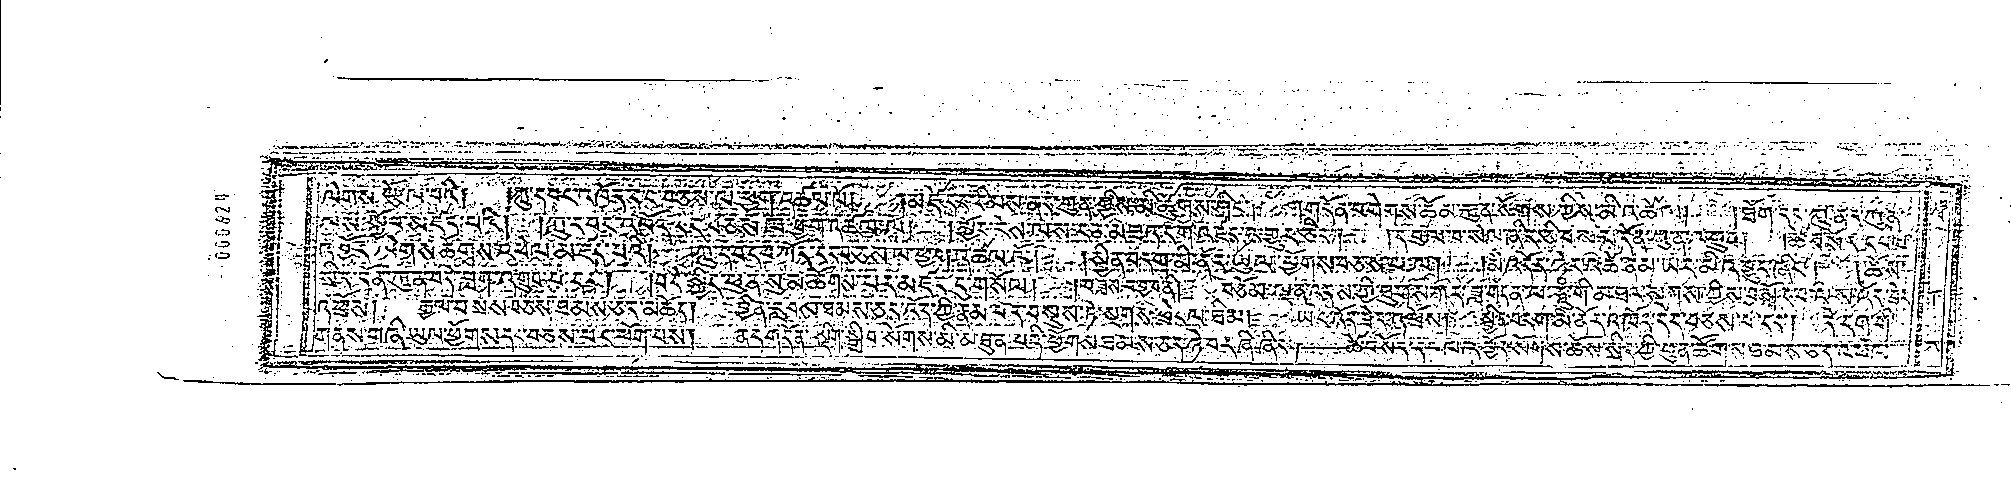ལེགས་སྩོལ་བའི། །ཀླུ་དབང་འཁོར་དང་བཅས་ལ་ཕྱག་འཚལ་ལོ། །མཛེ་དང་རིམས་ནད་ཀུན་གྱིས་མི་ཚུགས་ཤིང་། །གདོན་བགེགས་ཆོམ་རྐུན་སོགས་ཀྱིས་མི་འཚེལ། །ཐོག་དང་ཀླུ་ནད་ཀུན་
ལས་སྐྱོབ་མཛད་པའི། །ཀླུ་དབང་འཁོར་དང་བཅས་ལ་ཕྱག་འཚལ་ལོ། །མྱོང་དེས་ལས་ངན་མཐའ་དག་འཛད་འགྱུར་ཅིང་། །དབུལ་བ་སེལ་ཞིང་ཅི་བསམ་དོན་ཀུན་འགྲུབ། །ཚེ་བསོད་དཔལ་
འབྱོར་ལེགས་ཚོགས་འཕེལ་མཛད་པའི། །ཀླུ་དབང་བཀོར་དེང་བཅས་ལ་ཕྱག་འཚལ་ལོ། །སྦྱིན་བདག་མི་ནོར་ཡུལ་ཕྱོགས་བཅས་པ་ལ། །མི་འདོད་ཉེར་འཚེ་ནམ་ཡང་མི་འབྱུང་ཞིང་། །ཆོས་
སྲིད་དོན་ཀུན་བདེ་བླག་འགྲུབ་པ་དང་། །བདེ་སྐྱིད་ཕུན་སུམ་ཚོགས་པར་མཛད་དུ་གསོལ། །བཟླས་པ་བྱ་བ་ནི། བཅོམ་ལྡན་འདས་ཀྱི་ཐུགས་ཀར་ཟླ་གདན་ལ་ཧཱུཾ་གི་མཐར་སྔགས་ཀྱིས་བསྐོར་བ་ལས་འོད་ཟེར་
འཕྲོས། རྒྱལ་བ་སྲས་བཅས་ཐམས་ཅད་མཆོད། བྱིན་རླབས་ཐམས་ཅད་འོད་ཀྱི་རྣམ་པར་བསྡུས་ཏེ་སྔགས་ཕྲེང་ལ་ཐིམ། ཡང་འོད་ཟེར་འཕྲོས། སྦྱིན་བདག་མི་ནོར་འཁོར་དང་བཅས་པ་དང་། དེ་དག་གི་
གནས་གཞི་ཡུལ་ཕྱོགས་དང་བཅས་པར་ཕོག་པས། ནད་གདོན་སྡིག་སྒྲིབ་སོགས་མི་མཐུན་པའི་ཕྱོགས་ཐམས་ཅད་ཉེ་བར་ཞི་ཞིང་། ཚེ་བསོད་དཔལ་འབྱོར་སོགས་ཆོས་སྲིད་ཀྱི་ཕུན་ཚོགས་ཐམས་ཅད་འཕེལ་